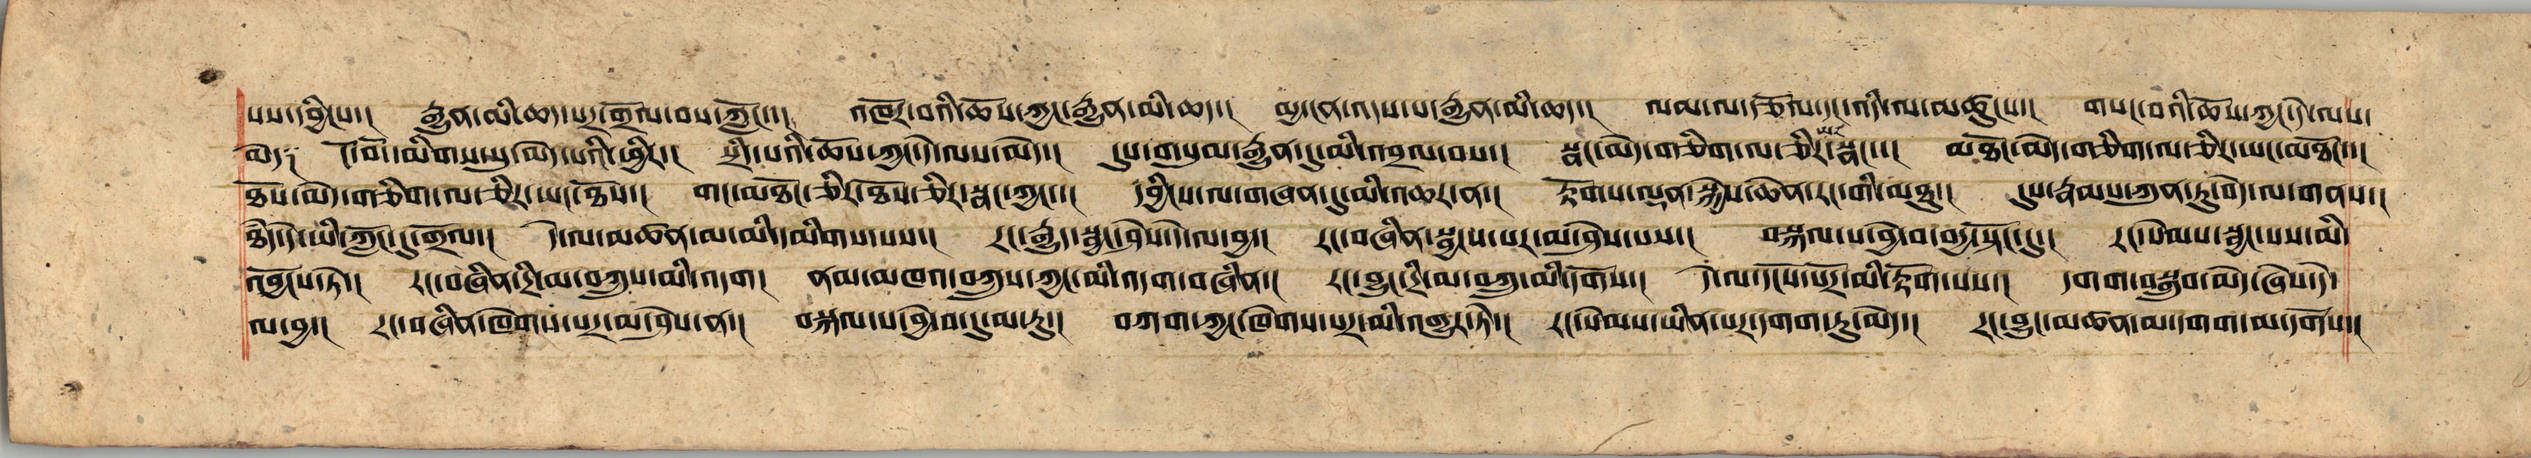པས་དབྱིངས་། རྒྱུན་མི་ཆད་པར་གྲོལ་བས་ཀློང་་། འཁོར་བའི་ཆོས་ཀྱང་རྒྱུན་མི་ཆད་། མྱ་ངན་འདས་པ་རྒྱུན་མི་ཆད་། ལམ་ལ་རྩོལ་དང་འདི་ལ་མཚུངས་། གསང་བའི་ཆོས་ཀྱང་དེ་ལས་
མེད༑ ངོ་བོ་དམིགས་སུ་མེད་པའི་ཕྱིར་། སྲིད་པའི་ཆོས་ཀྱང་དེ་ལས་མེད་། དུས་གསུམ་རྒྱུན་དུ་མི་འབྲལ་བས་། སྣང་མེད་གཅིག་ལ་ཅིར་ཡང་སྣང་་། མཐོང་མེད་གཅིག་ལ་ཅིར་ཡང་མཐོང་་།
ཐོས་མེད་གཅིག་ལ་ཅིར་ཡང་ཐོས་། གང་མཐོང་ཅིར་ཐོས་ཅིར་སྣང་ཀྱང་་། དབྱིངས་ལ་གཞན་དུ་མི་འཆར་ན་། རྟོགས་ལྡན་སྐྱེས་ཆེན་རང་གི་མཐུ་། དུས་རྣམས་ཀུན་ཏུ་བདེ་ལ་གནས་།
ཐཾད་དེ་ཡི་ཀློང་དུ་གྲོལ་། དེ་ལ་མཚན་མ་མི་དམིགས་པས་། རང་རྒྱུད་སྦྱང་ཤེས་དེ་ལ་བྱ་། རང་བཞིན་སྦྱངས་པར་མ་ཤེས་པས་། བསྐལ་པ་བྱེ་བ་བདྱ་སྟོང་དུ་། རང་སེམས་སྦྱང་པས་མི་
འབྱོངས་ཏེ་། རང་བཞིན་དྲི་མ་བཀྲུས་མི་འདག། ནམ་མཁའ་བཀྲུས་ཀྱང་མི་འདག་བཞིན་། རང་བྱུང་དྲི་མ་བཀྲུ་མི་དགོས་། དེ་ལ་དངོས་པོར་མི་རྟོག་པས་། དགག་བསྒྲུབ་མེད་ཞེས་དེ་
ལ་བྱ་། རང་བཞིན་ཁེགས་པར་མ་ཤེས་ན་། བསྐལ་པ་བྱེ་བ་དུ་མ་རུ་། བཀག་ཀྱང་ཁེགས་པར་མི་འགྱུར་ཏེ་། རང་སེམས་ཡིན་པར་དགག་ཏུ་མེད་། རང་བྱུང་མཚན་མ་དགག་མ་དགོས་།